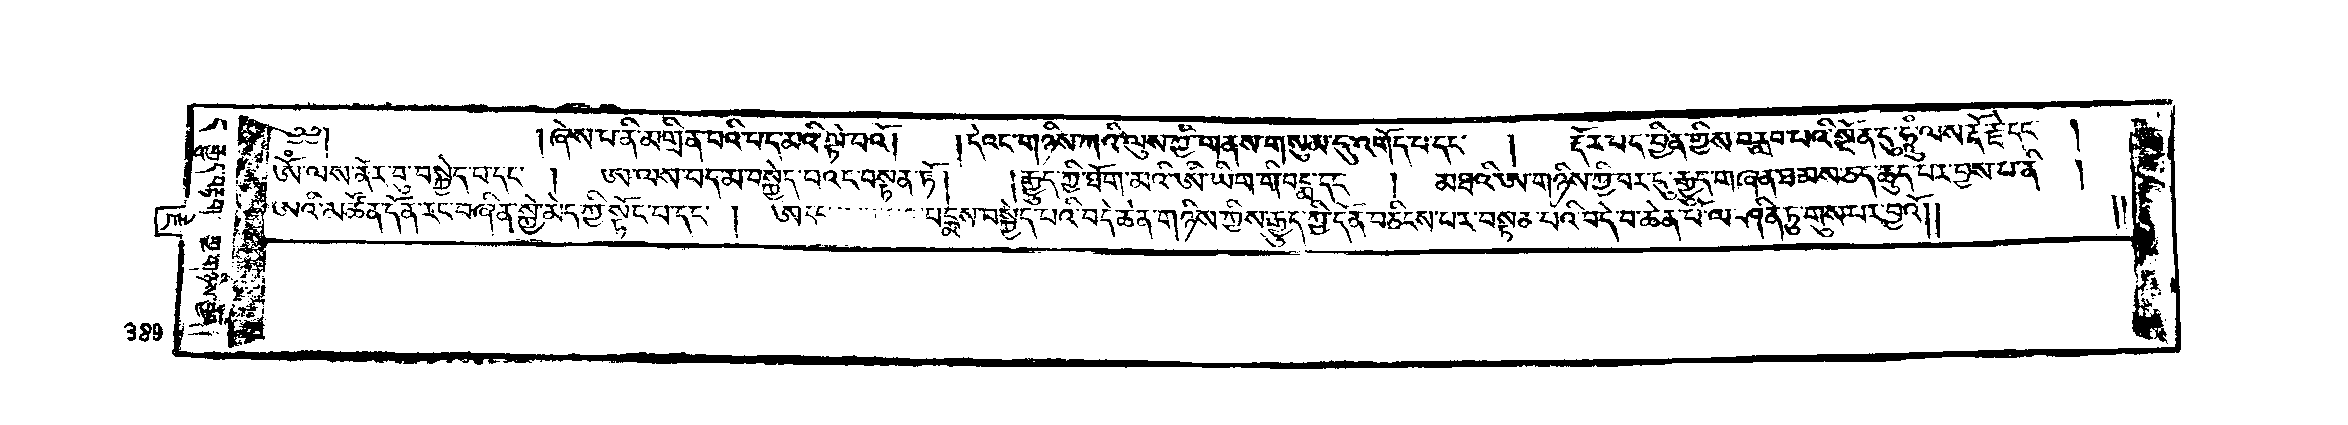༄༅། །ཞེས་པ་ནི་མགྲིན་པའི་པད་མའི་ལྟེ་བའོ། །དེའང་གཉིས་ཀའི་ལུས་ཀྱི་གནས་གསུམ་དུ་འགོད་པ་དང་། རྡོར་པད་བྱིན་གྱིས་བརླབ་པའི་སྔོན་དུ་ཧཱུཾ་ལས་རྡོ་རྗེ་དང་།
ཨོཾ་ལས་ནོར་བུ་བསྐྱེད་པ་དང་། ཨ་ལས་པད་མ་བསྐྱེད་པའང་བསྟན་ཏོ། །རྒྱུད་ཀྱི་ཐོག་མའི་ཨི་ཡིག་གི་པདམ་དང་། མཐའི་ཨ་གཉིས་ཀྱི་བར་དུ་རྒྱུད་གཞན་ཐམས་ཅད་ཆུད་པར་བྱས་པ་ནི་།
ཨཱི་མཚོན་དོན་རང་བཞིན་སྐྱེ་མེད་ཀྱི་སྟོང་པ་དང་། ཨ་དང་པདམས་བསྐྱེད་པའི་བདེ་ཆེན་གཉིས་ཀྱིས་རྒྱུད་ཀྱི་དོན་བཅིངས་པར་བསྟན་པའི་བདེ་བ་ཆེན་པོ་ལ་ཤིན་ཏུ་གུས་པར་བྱའོ།། །།